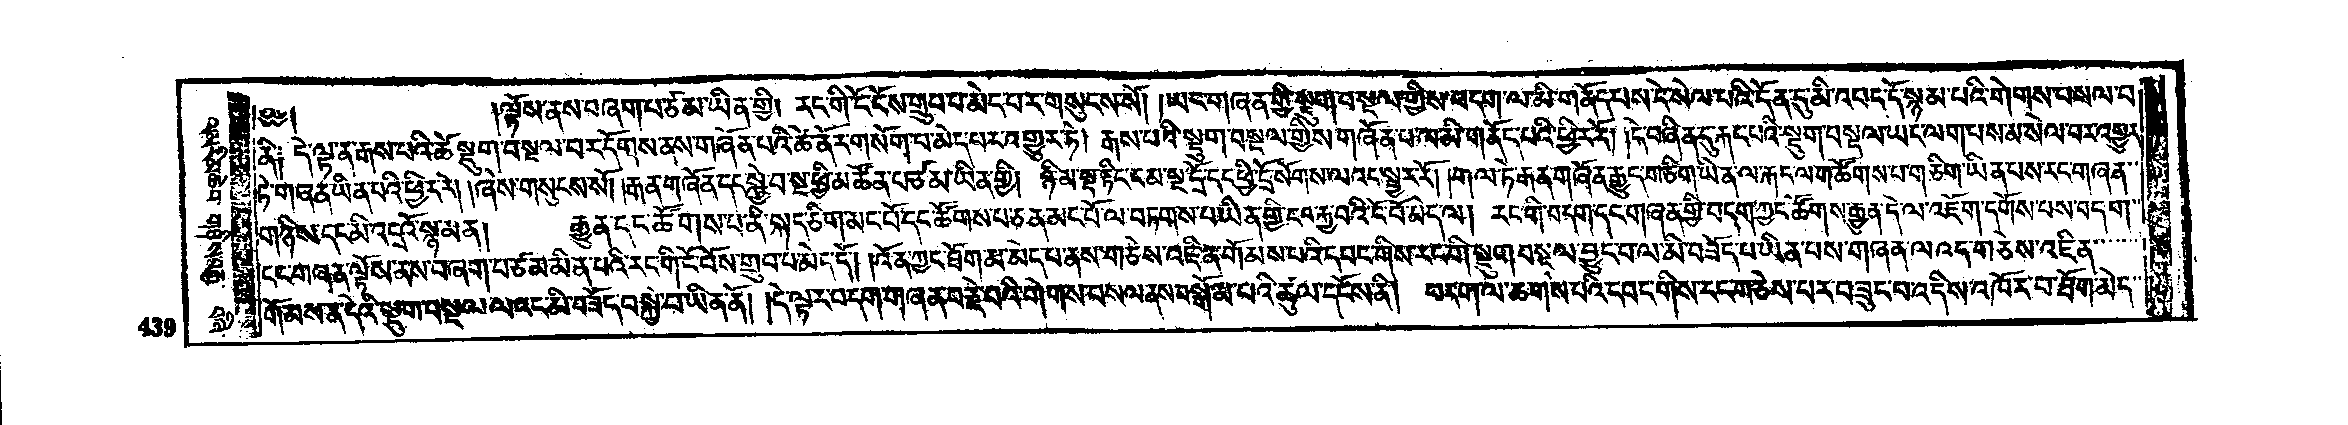༄༅། །ལྟོས་ནས་བཞག་པ་ཙམ་ཡིན་གྱི། རང་གི་ངོ་བོས་གྲུབ་པ་མེད་པར་གསུངས་སོ། །ཡང་གཞན་གྱི་སྡུག་བསྔལ་གྱིས་བདག་ལ་མི་གནོད་པས་དེ་སེལ་བའི་དོན་དུ་མི་འབད་དོ་སྙམ་པའི་གེགས་བསལ་བ་
ནི༑ དེ་ལྟ་ན་རྒས་པའི་ཚེ་སྡུག་བསྔལ་བར་དོགས་ནས་གཞོན་པའི་ཚེ་ནོར་གསོག་པ་མེད་པར་འགྱུར་ཏེ། རྒྱས་པའི་སྡུག་བསྔལ་གྱིས་གཞོན་པ་ལ་མི་གནོད་པའི་ཕྱིར་རོ། །དེ་བཞིན་དུ་རྐང་བའི་སྡུག་བསྔལ་ཡང་ལག་པས་མི་སེལ་བར་འགྱུར་
ཏེ་གཞན་ཡིན་པའི་ཕྱིར་རོ། །ཞེས་གསུངས་སོ། །རྒན་གཞོན་དང་སྐྱེ་བ་སྔ་ཕྱི་མཚོན་པ་ཙམ་ཡིན་གྱི། ཉི་མ་སྔ་རྟིང་ངམ་སྔ་དྲོ་དང་ཕྱི་དྲོ་སོགས་ལའང་སྤྱར་རོ། །གལ་ཏེ་རྒན་གཞོན་རྒྱུད་གཅིག་ཡིན་ལ་རྐང་ལག་ཚོགས་པ་གཅིག་ཡིན་པས་རང་གཞན་
གཉིས་དང་མི་འདྲའོ་སྙམ་ན། རྒྱུན་དང་ཚོགས་པ་ནི་སྐད་ཅིག་མང་པོ་དང་ཚོགས་པ་ཅན་མང་པོ་ལ་བཏགས་པ་ཡིན་གྱི་རང་རྐྱ་བའི་ངོ་བོ་མེད་ལ། རང་གི་བདག་དང་གཞན་གྱི་བདག་ཀྱང་ཚོགས་རྒྱུན་དེ་ལ་འཇོག་དགོས་པས་བདག་
དང་གཞན་ལྟོས་ནས་བཞག་པ་ཙམ་མིན་པའི་རང་གི་ངོ་བོས་གྲུབ་པ་མེད་དོ། །འོན་ཀྱང་ཐོག་མ་མེད་པ་ནས་གཅེས་འཛིན་གོམས་པའི་དབང་གིས་རང་གི་སྡུག་བསྔལ་བྱུང་བ་ལ་མི་བཟོད་པ་ཡིན་པས་གཞན་ལའང་གཅེས་འཛིན་
གོམས་ན་དེའི་སྡུག་བསྔལ་ལའང་མི་བཟོད་པ་སྐྱེ་བ་ཡིན་ནོ། །དེ་ལྟར་བདག་གཞན་བརྗེ་བའི་གེགས་བསལ་ནས་བསྒོམ་པའི་ཚུལ་དངོས་ནི། བདག་ལ་ཆགས་པའི་དབང་གིས་རང་གཅེས་པར་བཟུང་བ་འདིས་འཁོར་བ་ཐོག་མེད་